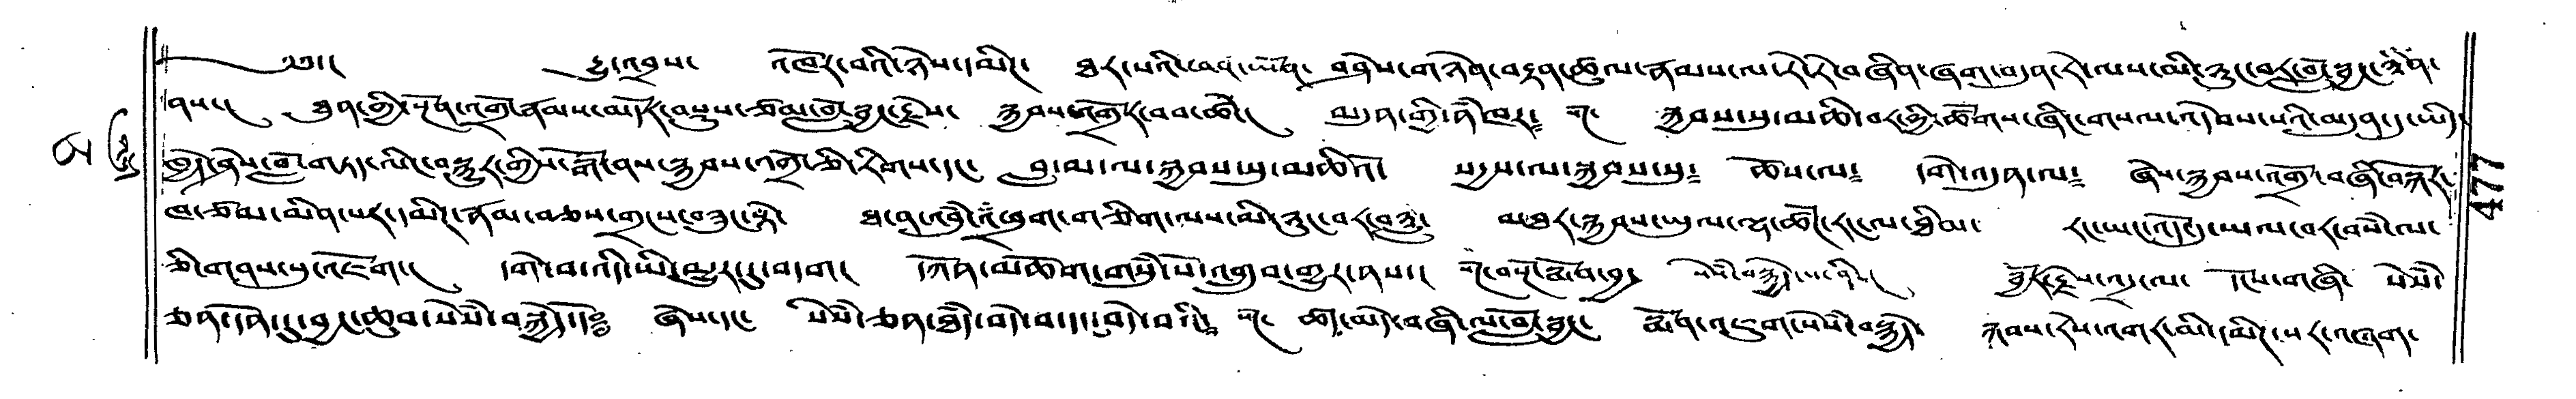རྒྱུ་འབྲས། འཁོར་བའི་ཉེས་དམིགས། ཐར་པའི་ཕན་ཡོན། བཤེས་གཉེན་བསྟེན་ཚུལ་རྣམས་ལ་རེ་རེ་བཞིན་ཞག་བདུན་རེ་ལས་མི་ཉུང་བར་བློ་སྦྱོང་ཟིན་
ནས། ཐུན་གྱི་སྔོན་འགྲོ་རྣམས་མདོར་བསྡུས་ཙམ་བློ་སྦྱོང་བྱས་ནས་སྐྱབས་འགྲོར་བབ་ཚེ། མདུན་གྱི་ནམ་མཁར༴ སོགས། སྐྱབས་སུ་མཆི༔ བར་གྱི་ཚོགས་ཞིང་གསལ་འདེབས་པའི་མདུན་དུ་ཡིད་
ཁྱེད་ཤེས་བློ་གཏད་ལིང་བསྐྱུར་གྱིས་སྒོ་ནས་སྐྱབས་འགྲོ་ཅི་རིགས་དང་། བླ་མ་ལ་སྐྱབས་སུ་མཆིའོ༔ སངས་རྒྱས་ལ་སྐྱབས་སུ༴ ཆོས་ལ༴ དགེ་འདུན་ལ༴ ཞེས་སྐྱབས་འགྲོ་བཞི་བསྐོར་
ཁ་ཙམ་མིན་པར་དམིགས་རྣམ་བཅས་གྲངས་བཟུང་སྟེ། ཐ་ན་འབུམ་འཕྲག་གཅིག་ལས་མི་ཉུང་བར་བཟླ། མཐར་སྐྱབས་ཡུལ་ལྷ་ཚོགས་རང་ལ་ཐིམ། རང་ཡང་འོད་དུ་ཡལ་བར་བསམ་ལ་
ཅི་གནས་སུ་འཇོག དགེ་བ་འདི་ཡི་མྱུར་དུ་བདག༔ དཀོན་མཆོག་གསུམ་པོ་འགྲུབ་གྱུར་ནས༔ སོགས་བསྔོ་སྨོན་བྱ། སེམས་བསྐྱེད་པ་ནི།སྦྱོར་རྗེས་འདྲ་ལ།དངོས་གཞི། སེམས་
ཅན་དོན་དུ་བྱང་ཆུབ་སེམས་བསྐྱེད་དོ༔ ཞེས་དང་། སེམས་ཅན་ཐམས་ཅད་བདེ་བ་བདེ་བའི༴ སོགས། ཚད་མེད་བཞི་ལ་བློ་སྦྱང་། སྨོན་འཇུག་སེམས་བསྐྱེད། སྐབས་འགར་མི་དམིགས་པར་བཞག་